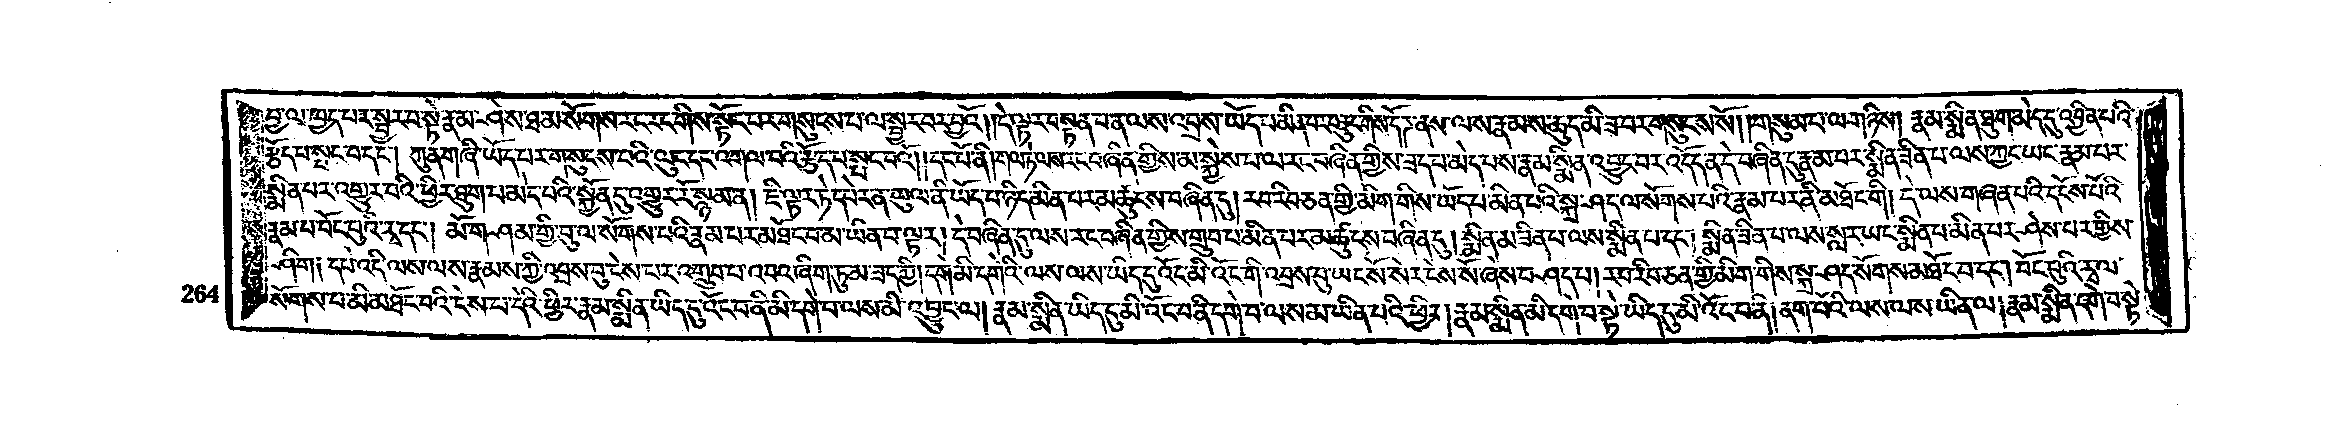བྱ་ལ་ཁྱད་པར་སྦྱར་བ་སྟེ་རྣམ་ཤེས་ཐ་མ་སོགས་རང་རང་གིས་སྟོང་པར་གསུངས་པ་ལ་སྦྱར་བར་བྱའོ། །དེ་ལྟར་བསྟན་པ་ན་ལས་འབྲས་ཡོད་པ་མིན་པར་བཟུང་གིས་དོགས་ནས་ལས་རྣམས་ཆུད་མི་ཟ་བར་གསུངས་སོ། །གསུམ་པ་ལ་གཉིས། རྣམ་སྨིན་ཐུག་མེད་དུ་འབྱིན་པའི་
རྩོད་པ་སྤང་བ་དང་། ཀུན་གཞི་ཡོད་པར་གསུངས་པའི་ལུང་དང་འགལ་བའི་རྩོད་པ་སྤང་བའོ། །དང་པོ་ནི། གལ་ཏེ་ལས་རང་བཞིན་གྱིས་མ་སྐྱེས་པ་ལ་རང་བཞིན་གྱིས་ཟད་པ་མེད་པས་རྣམ་སྨིན་འབྱུང་བར་འདོད་ན་དེ་བཞིན་དུ་རྣམ་པར་སྨིན་ཟིན་པ་ལས་ཀྱང་ཡང་རྣམ་པར་
སྨིན་པར་འགྱུར་བའི་ཕྱིར་ཐུག་པ་མེད་པའི་སྐྱོན་དུ་འགྱུར་རོ་སྙམ་ན། ཇི་ལྟར་ཏེ་དཔེར་ན་ཡུལ་ནི་ཡོད་པ་ཉིད་མིན་པར་མཚུངས་བཞིན་དུ། རབ་རིབ་ཅན་གྱི་མིག་གིས་ཡོད་པ་མིན་པའི་སྐྲ་ཤད་ལ་སོགས་པའི་རྣམ་པར་ནི་མཐོང་གི །དེ་ལས་གཞན་པའི་དངོས་པོའི་
རྣམ་པ་བོང་བུའི་རྭ་དང་། མོ་གཤམ་གྱི་བུ་ལ་སོགས་པའི་རྣམ་པར་མཐོང་བ་མ་ཡིན་པ་ལྟར། དེ་བཞིན་དུ་ལས་རང་བཞིན་གྱིས་གྲུབ་པ་མིན་པར་མཚུངས་བཞིན་དུ། སྨིན་མ་ཟིན་པ་ལས་སྨིན་པ་དང་། སྨིན་ཟིན་པ་ལས་སླར་ཡང་སྨིན་པ་མིན་པར་ཤེས་པར་གྱིས་
ཤིག །དཔེ་འདི་ལས་ལས་རྣམས་ཀྱི་འབྲས་བུ་ངེས་པར་འགྲུབ་པ་འབའ་ཞིག་ཏུ་མ་ཟད་ཀྱི། དགེ་མི་དགེའི་ལས་ལས་ཡིད་དུ་འོང་མི་འོང་གི་འབྲས་བུ་ཡང་སོ་སོར་ངེས་སོ་ཞེས་བཤད་པ། རབ་རིབ་ཅན་གྱི་མིག་གིས་སྐྲ་ཤད་སོགས་མཐོང་བ་དང་། བོང་བུའི་རྭ་ལ་
སོགས་པ་མི་མཐོང་བའི་ངེས་པ་དེའི་ཕྱིར་རྣམ་སྨིན་ཡིད་དུ་འོང་བ་ནི་མི་དགེ་བ་ལས་མི་འབྱུང་ལ། རྣམ་སྨིན་ཡིད་དུ་མི་འོང་བ་ནི་དགེ་བ་ལས་མ་ཡིན་པའི་ཕྱིར། རྣམ་སྨིན་མི་དགེ་བ་སྟེ་ཡིད་དུ་མི་འོང་བ་ནི། ནག་པོའི་ལས་ལས་ཡིན་ལ། རྣམ་སྨིན་དགེ་བ་སྟེ་